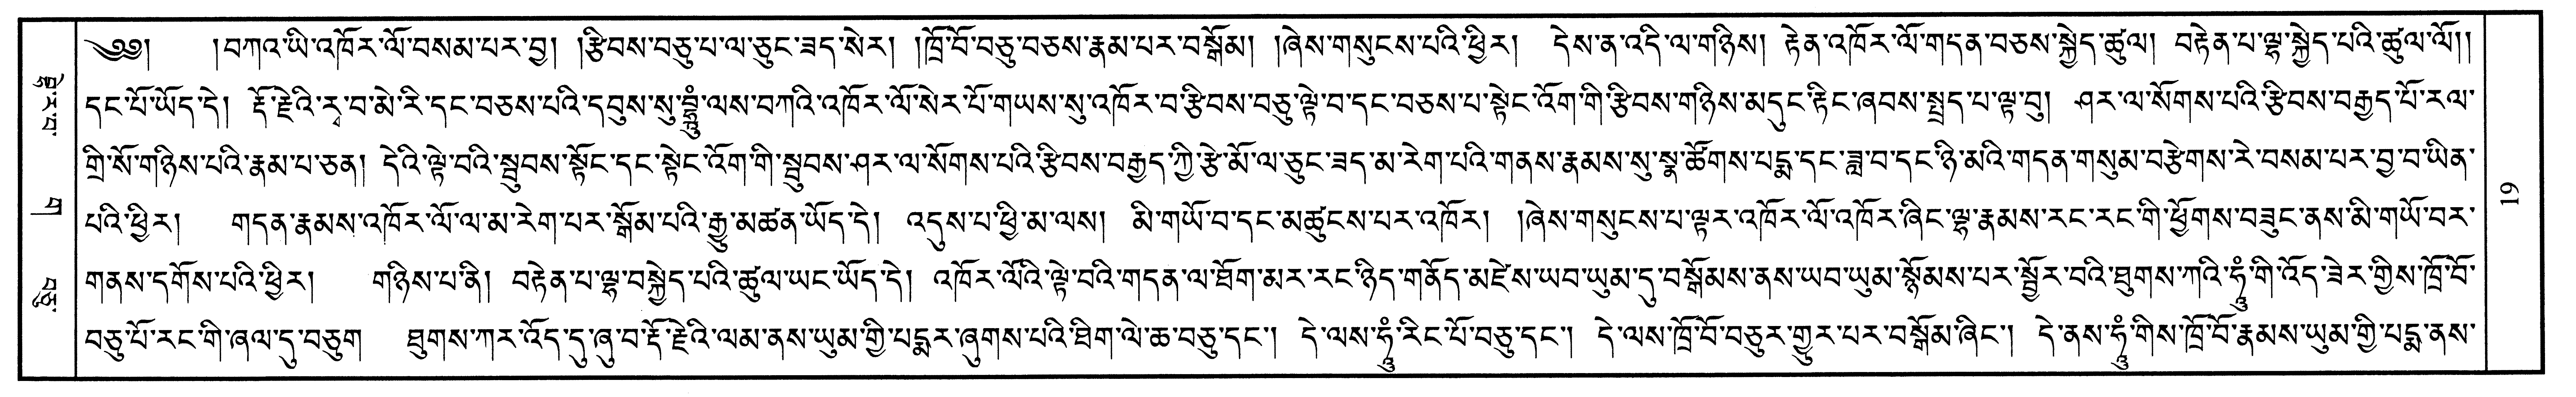༄༅། །བཀའ་ཡི་འཁོར་ལོ་བསམ་པར་བྱ། །རྩིབས་བཅུ་པ་ལ་ཅུང་ཟད་སེར། །ཁྲོ་བོ་བཅུ་བཅས་རྣམ་པར་བསྒོམ། །ཞེས་གསུངས་པའི་ཕྱིར། དེས་ན་འདི་ལ་གཉིས། རྟེན་འཁོར་ལོ་གདན་བཅས་སྐྱེད་ཚུལ། བརྟེན་པ་ལྷ་སྐྱེད་པའི་ཚུལ་ལོ།།
དང་པོ་ཡོད་དེ། རྡོ་རྗེའི་རྭ་བ་མེ་རི་དང་བཅས་པའི་དབུས་སུ་བྷྲཱུཾ་ལས་བཀའི་འཁོར་ལོ་སེར་པོ་གཡས་སུ་འཁོར་བ་རྩིབས་བཅུ་ལྟེ་བ་དང་བཅས་པ་སྟེང་འོག་གི་རྩིབས་གཉིས་མདུང་རྟིང་ཞབས་སྤྲད་པ་ལྟ་བུ། ཤར་ལ་སོགས་པའི་རྩིབས་བརྒྱད་པོ་རལ་
གྲི་སོ་གཉིས་པའི་རྣམ་པ་ཅན། དེའི་ལྟེ་བའི་སྦུབས་སྟོང་དང་སྟེང་འོག་གི་སྦུབས་ཤར་ལ་སོགས་པའི་རྩིབས་བརྒྱད་ཀྱི་རྩེ་མོ་ལ་ཅུང་ཟད་མ་རེག་པའི་གནས་རྣམས་སུ་སྣ་ཚོགས་པདམ་དང་ཟླ་བ་དང་ཉི་མའི་གདན་གསུམ་བརྩེགས་རེ་བསམ་པར་བྱ་བ་ཡིན་
པའི་ཕྱིར། གདན་རྣམས་འཁོར་ལོ་ལ་མ་རེག་པར་སྒོམ་པའི་རྒྱུ་མཚན་ཡོད་དེ། འདུས་པ་ཕྱི་མ་ལས། མི་གཡོ་བ་དང་མཚུངས་པར་འཁོར། །ཞེས་གསུངས་པ་ལྟར་འཁོར་ལོ་འཁོར་ཞིང་ལྷ་རྣམས་རང་རང་གི་ཕྱོགས་བཟུང་ནས་མི་གཡོ་བར་
གནས་དགོས་པའི་ཕྱིར། གཉིས་པ་ནི། བརྟེན་པ་ལྷ་བསྐྱེད་པའི་ཚུལ་ཡང་ཡོད་དེ། འཁོར་ལོའི་ལྟེ་བའི་གདན་ལ་ཐོག་མར་རང་ཉིད་གནོད་མཛེས་ཡབ་ཡུམ་དུ་བསྒོམས་ནས་ཡབ་ཡུམ་སྙོམས་པར་སྦྱོར་བའི་ཐུགས་ཀའི་ཧཱུཾ་གི་འོད་ཟེར་གྱིས་ཁྲོ་བོ་
བཅུ་པོ་རང་གི་ཞལ་དུ་བཅུག །ཐུགས་ཀར་འོད་དུ་ཞུ་བ་རྡོ་རྗེའི་ལམ་ནས་ཡུམ་གྱི་པདམར་ཞུགས་པའི་ཐིག་ལེ་ཆ་བཅུ་དང་། དེ་ལས་ཧཱུཾ་རིང་པོ་བཅུ་དང་། དེ་ལས་ཁྲོ་བོ་བཅུར་གྱུར་པར་བསྒོམ་ཞིང་། དེ་ནས་ཧཱུཾ་གིས་ཁྲོ་བོ་རྣམས་ཡུམ་གྱི་པདམ་ནས་